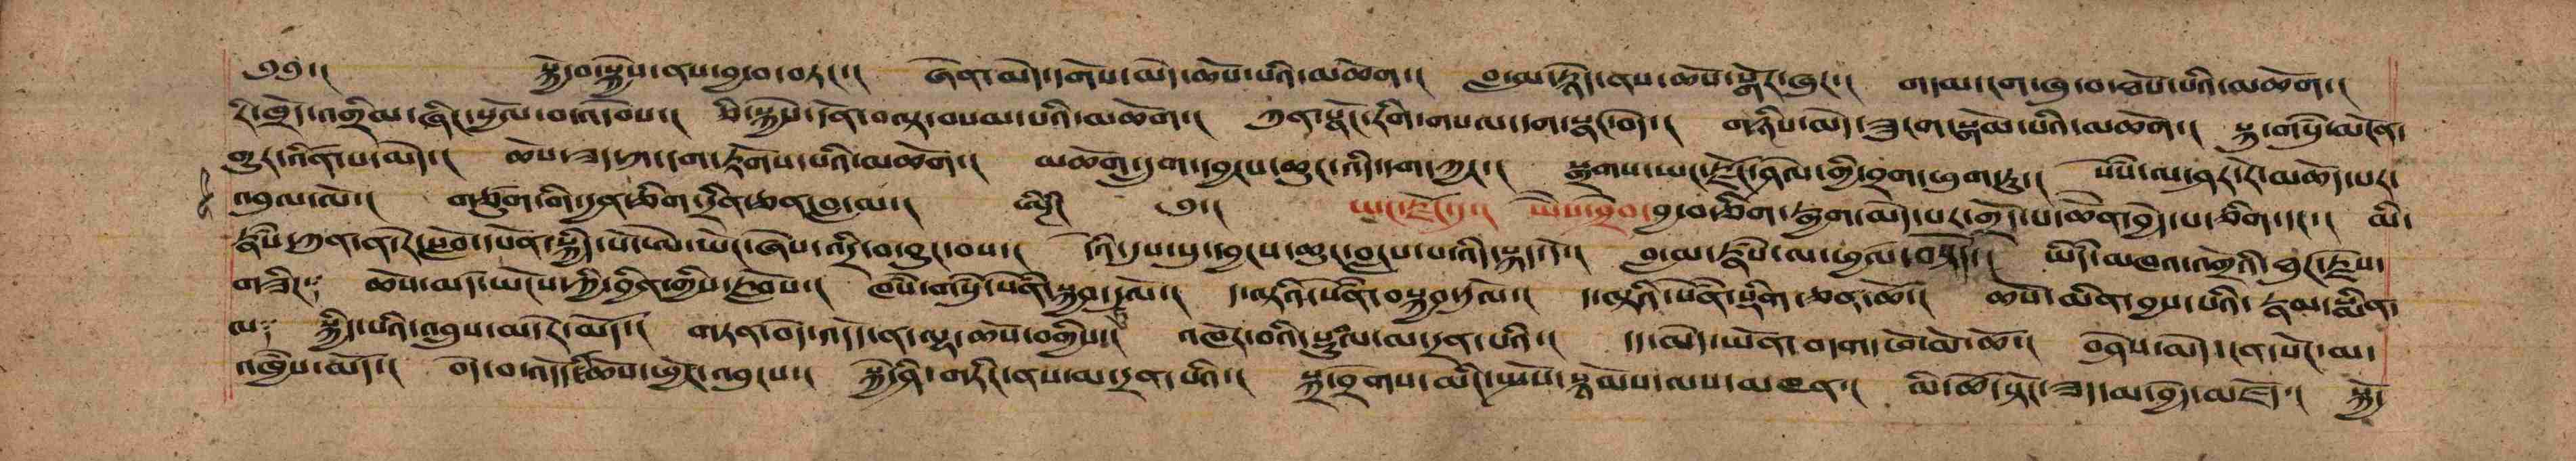༄༅་། སྐྱེ་བ་སྐྱེས་ནས་བྱ་བ་བཏང་། ཞེན་མེད་དགོས་མེད་ཆོས་པའི་མཆོག། བླ་མ་རྙེད་ནས་ཆོས་སྒོར་ཞུགས། གདམ་ངག་ཞུ་བ་ཐོས་པའི་མཆོག། 
རི་ཁྲོད་འགྲིམ་ཞིང་གསོལ་བ་འདེབས། ཅི་སྐྱེས་དོན་བལྟ་བསམ་པའི་མཆོག། ཀུན་སྣང་རིག་གསལ་དག་སྣང་བདེ། གཉིས་མེད་ཟུང་འཇུག་སྒོམ་པའི་མཆོག། སྐུ་གསུམ་མངོན་
གྱུར་འཛིན་པ་མེད། ཆོས་ཟད་ཀ་དག་རྟོགས་པའི་མཆོག། མཆོག་དྲུག་དབྱངས་ཆུང་འདི་དག་ཀྱང་། སྒྲགས་ཡང་རྫོང་ཤེལ་གྱི་བྲག་ཕུག་ཏུ། སེམས་ལ་ཤར་རོ་མཆོད་པར་
འབུལ་ལོ། གཙུག་གི་རྒྱན་ཅིག་དྲིན་ཅན་བླ་མ། ཨིཊི། ༄་། ཡང་རྫོགས་དུ། ཡེ་ཤེས་ཤེས་རབ་བྱ་བ་ཅིག་རྒྱག་མེད་པར་གྲོད་པ་ཆེན་པོ་བྱེད་པ་ཅིག་དང་། མི་
རྣམས་ཀུན་ན་རེ་སློབ་དཔོན་སྐྱིད་པོ་ཨེ་ཡོང་ཞེས་འདྲི་བ་བྱུང་བས། དེའི་དུས་སུ་དབྱངས་ཆུང་བླངས་པ་འདི་སྐད་དོ། བླ་མ་རྣམས་ལ་ཕྱག་འཚལ་བསྟོད། ཡི་དམ་མཁའ་འགྲོའི་ཐུགས་རྗེས་
གཟིགས༑ ཆོས་མཛད་ཡོངས་ཀྱི་བྱིན་གྱིས་རློབས། ཁམས་གསུམ་སེམས་ཅན་སྐྱབས་ཏུ་གསོལ། ད་ལྟའི་སེམས་ཅན་བསྐྱབ་དུ་གསོལ། ད་ལྟའི་སེམས་ཅན་སྡིག་ཅན་ཚེ། ཆོས་མིན་བྱས་པའི་རྣམ་སྨིན་
ལ༑ སྐྱིད་པའི་འབྲས་བུས་མ་རེ་མཛོད། གཏན་བདེ་འདོད་ན་ལྷ་ཆོས་བགྱིས། འཁོར་བའི་སྡུག་བསྔལ་མ་དྲན་པའི། དད་མེད་ཡོན་བདག་ཕོ་མོ་ཚོ། བཤེས་མེད་ངན་སོང་མ་
འཁྱམས་མཛོད། བདེ་བ་འདོད་པའི་ཆོས་ཕྱོགས་འབུངས། སྐྱེ་ཤི་གཏིང་ནས་མ་དྲན་པའི། སྐྲ་བྲེགས་མིང་སྤོས་སྙོམས་ལས་མཁན། མི་ཚེ་སྟོང་ཟད་མ་བྱེད་མཛོད། སྐྱོ་